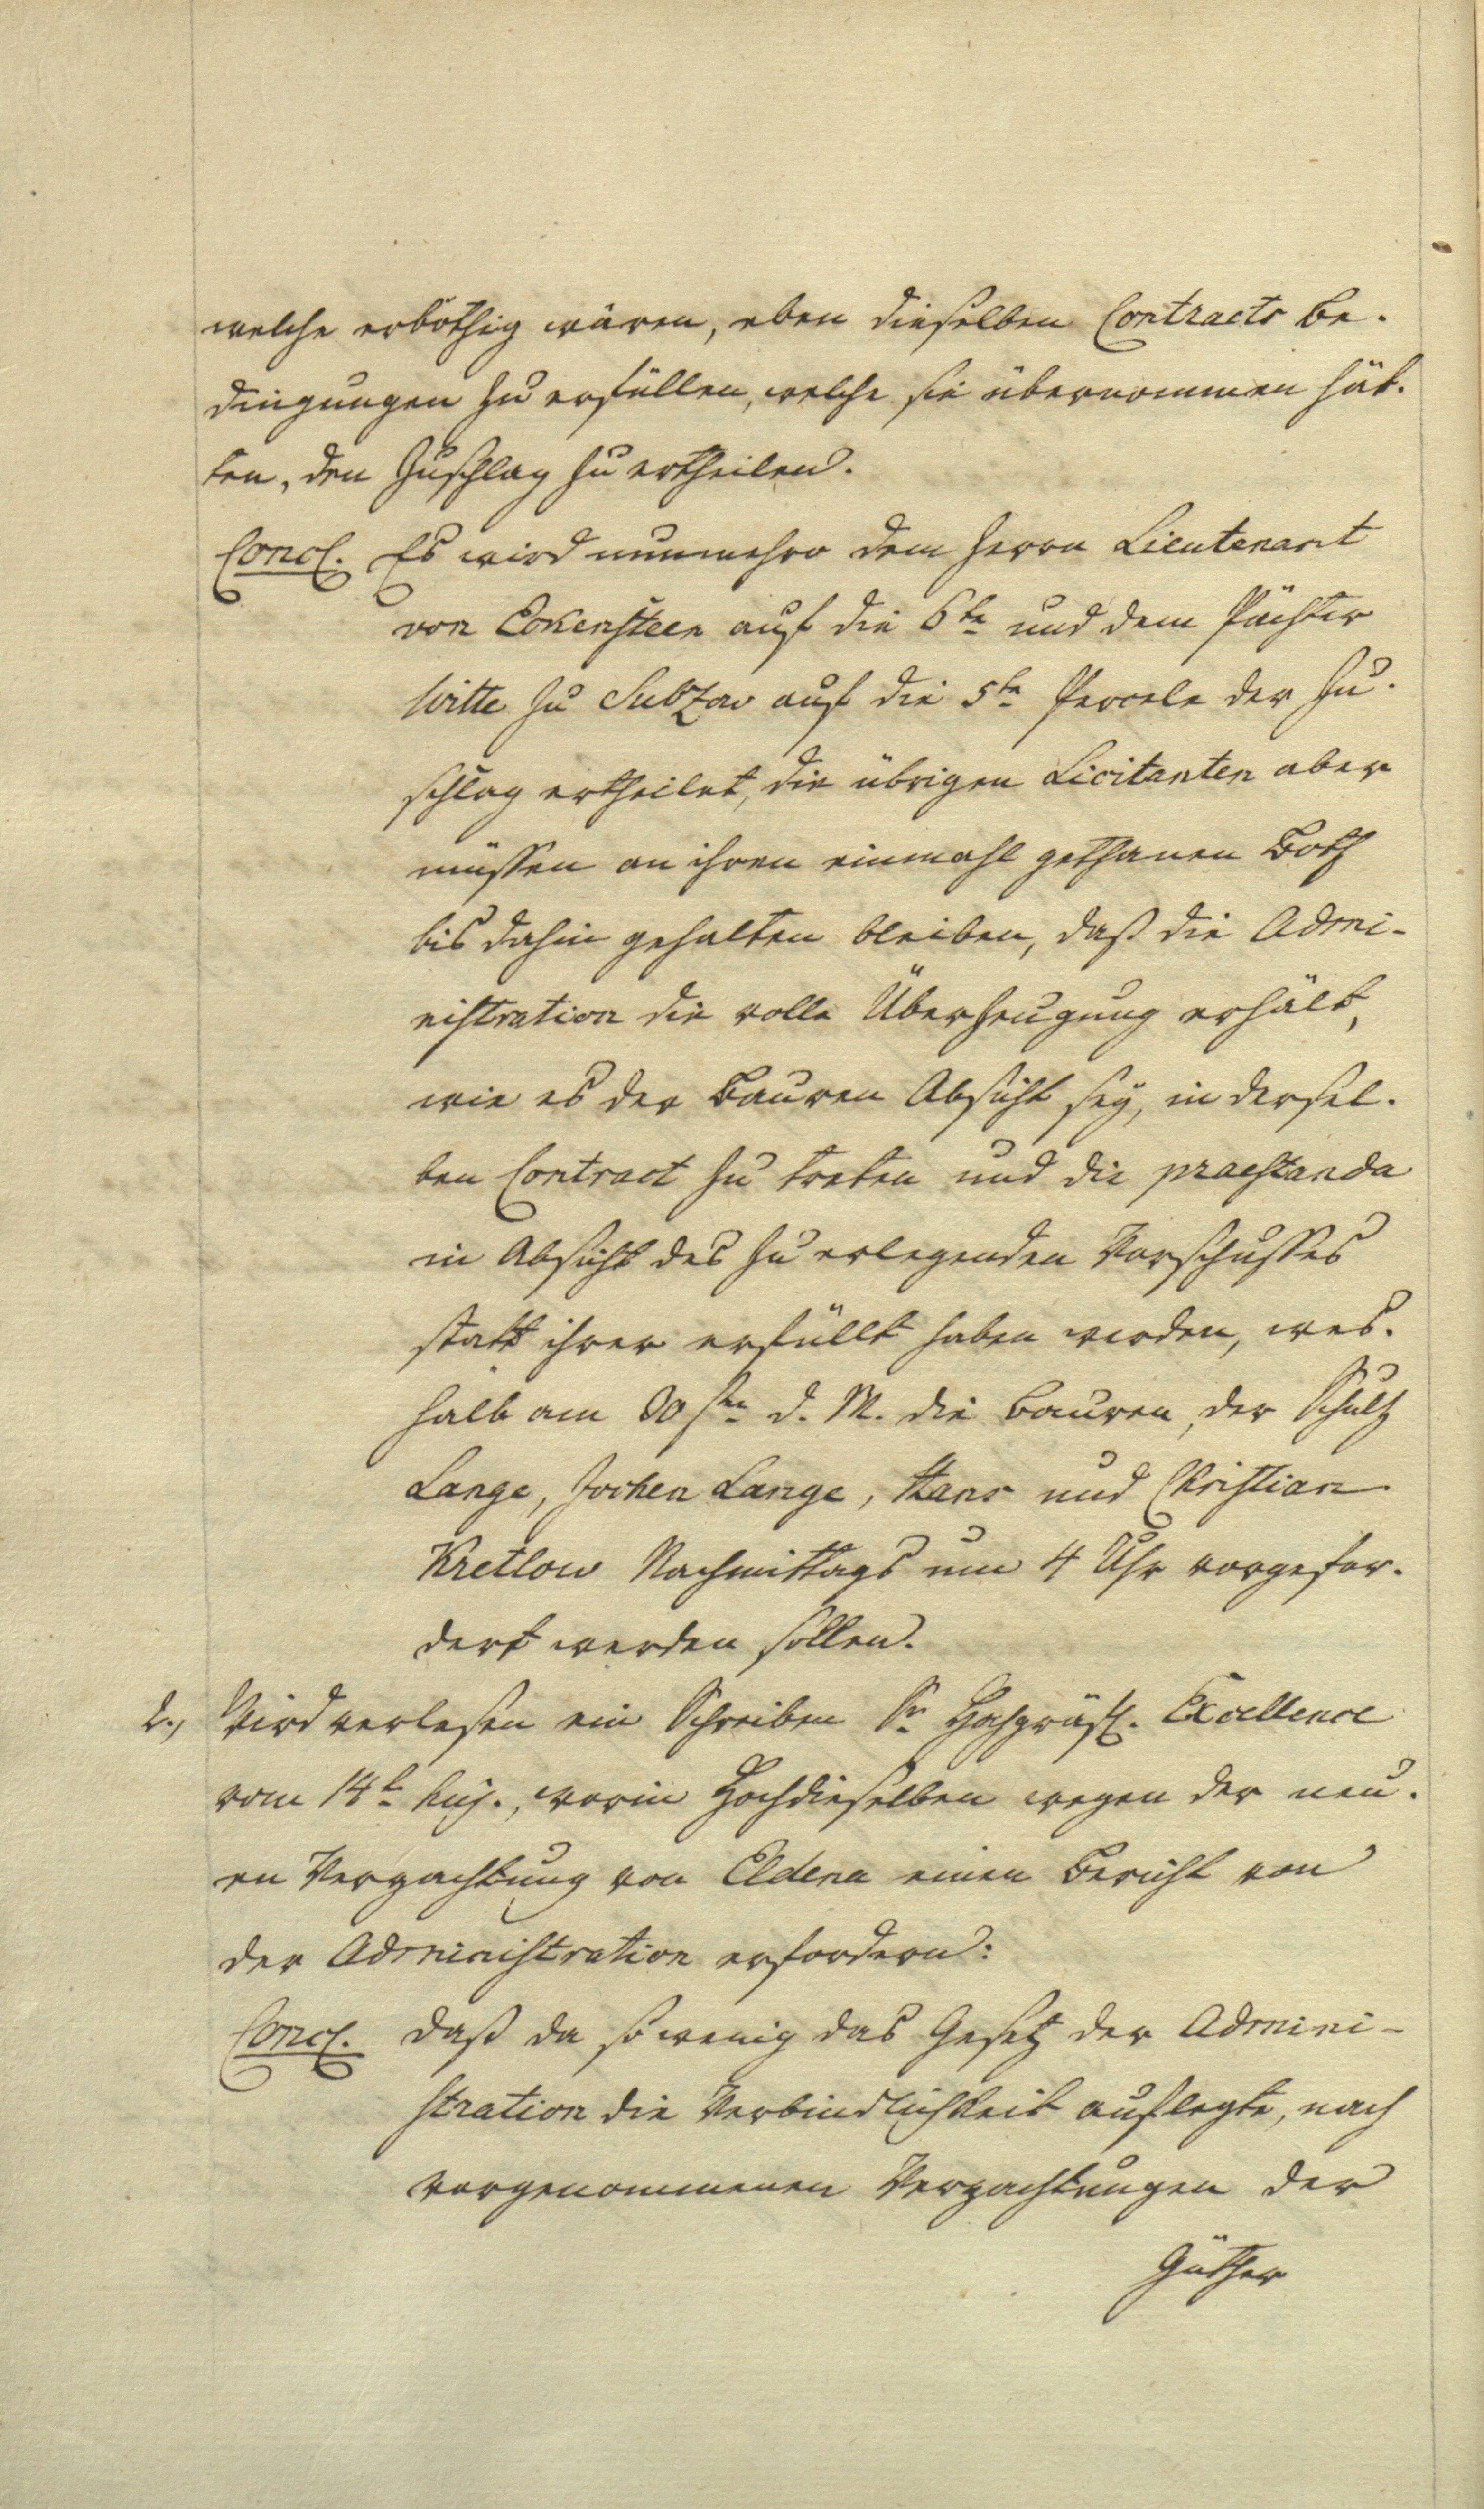welche erböthig wären, eben dieselben Contracts be¬
dingungen zu erfüllen, welche sie übernommen hät¬
ten, den Zuschlag zu ertheilen.
Concl., Es wird nunmehro dem Herrn Lieutenant
von Eckensteen auf die 6 te und dem Pächter
Witte zu Subzow auf die 5 te Percele der Zu¬
schlag ertheilet. Die übrigen Licitanten aber
müssen an ihren einmahl gethanen Both
bis dahin gehalten bleiben, daß die Admi¬
nistration die volle Überzeugung erhält,
wie es der Bauren Absicht seÿ, in dersel¬
ben Contract zu treten und die praestanda
in Absicht des zu erlegenden Vorschusses
statt ihrer erfüllt haben werden, wes¬
halb am 30 t. d. M. die Bauren, der Schulz
Lange, Jochen Lange, Hans und Christian
Kretlow Nachmittags um 4 Uhr vorgefor¬
dert werden sollen.
2., Wird verlesen ein Schreiben Sr Hochgräfl. Excellence
vom 14 t. huj. worin Hochdieselben wegen der neu¬
en Verpachtung von Eldena einen Bericht von
der Administration erfordern:
Concl. Daß da so wenig das Gesetz der Admini-
stration die Verbindlichkeit auflegte, nach
vorgenommenen Verpachtungen der
Güther